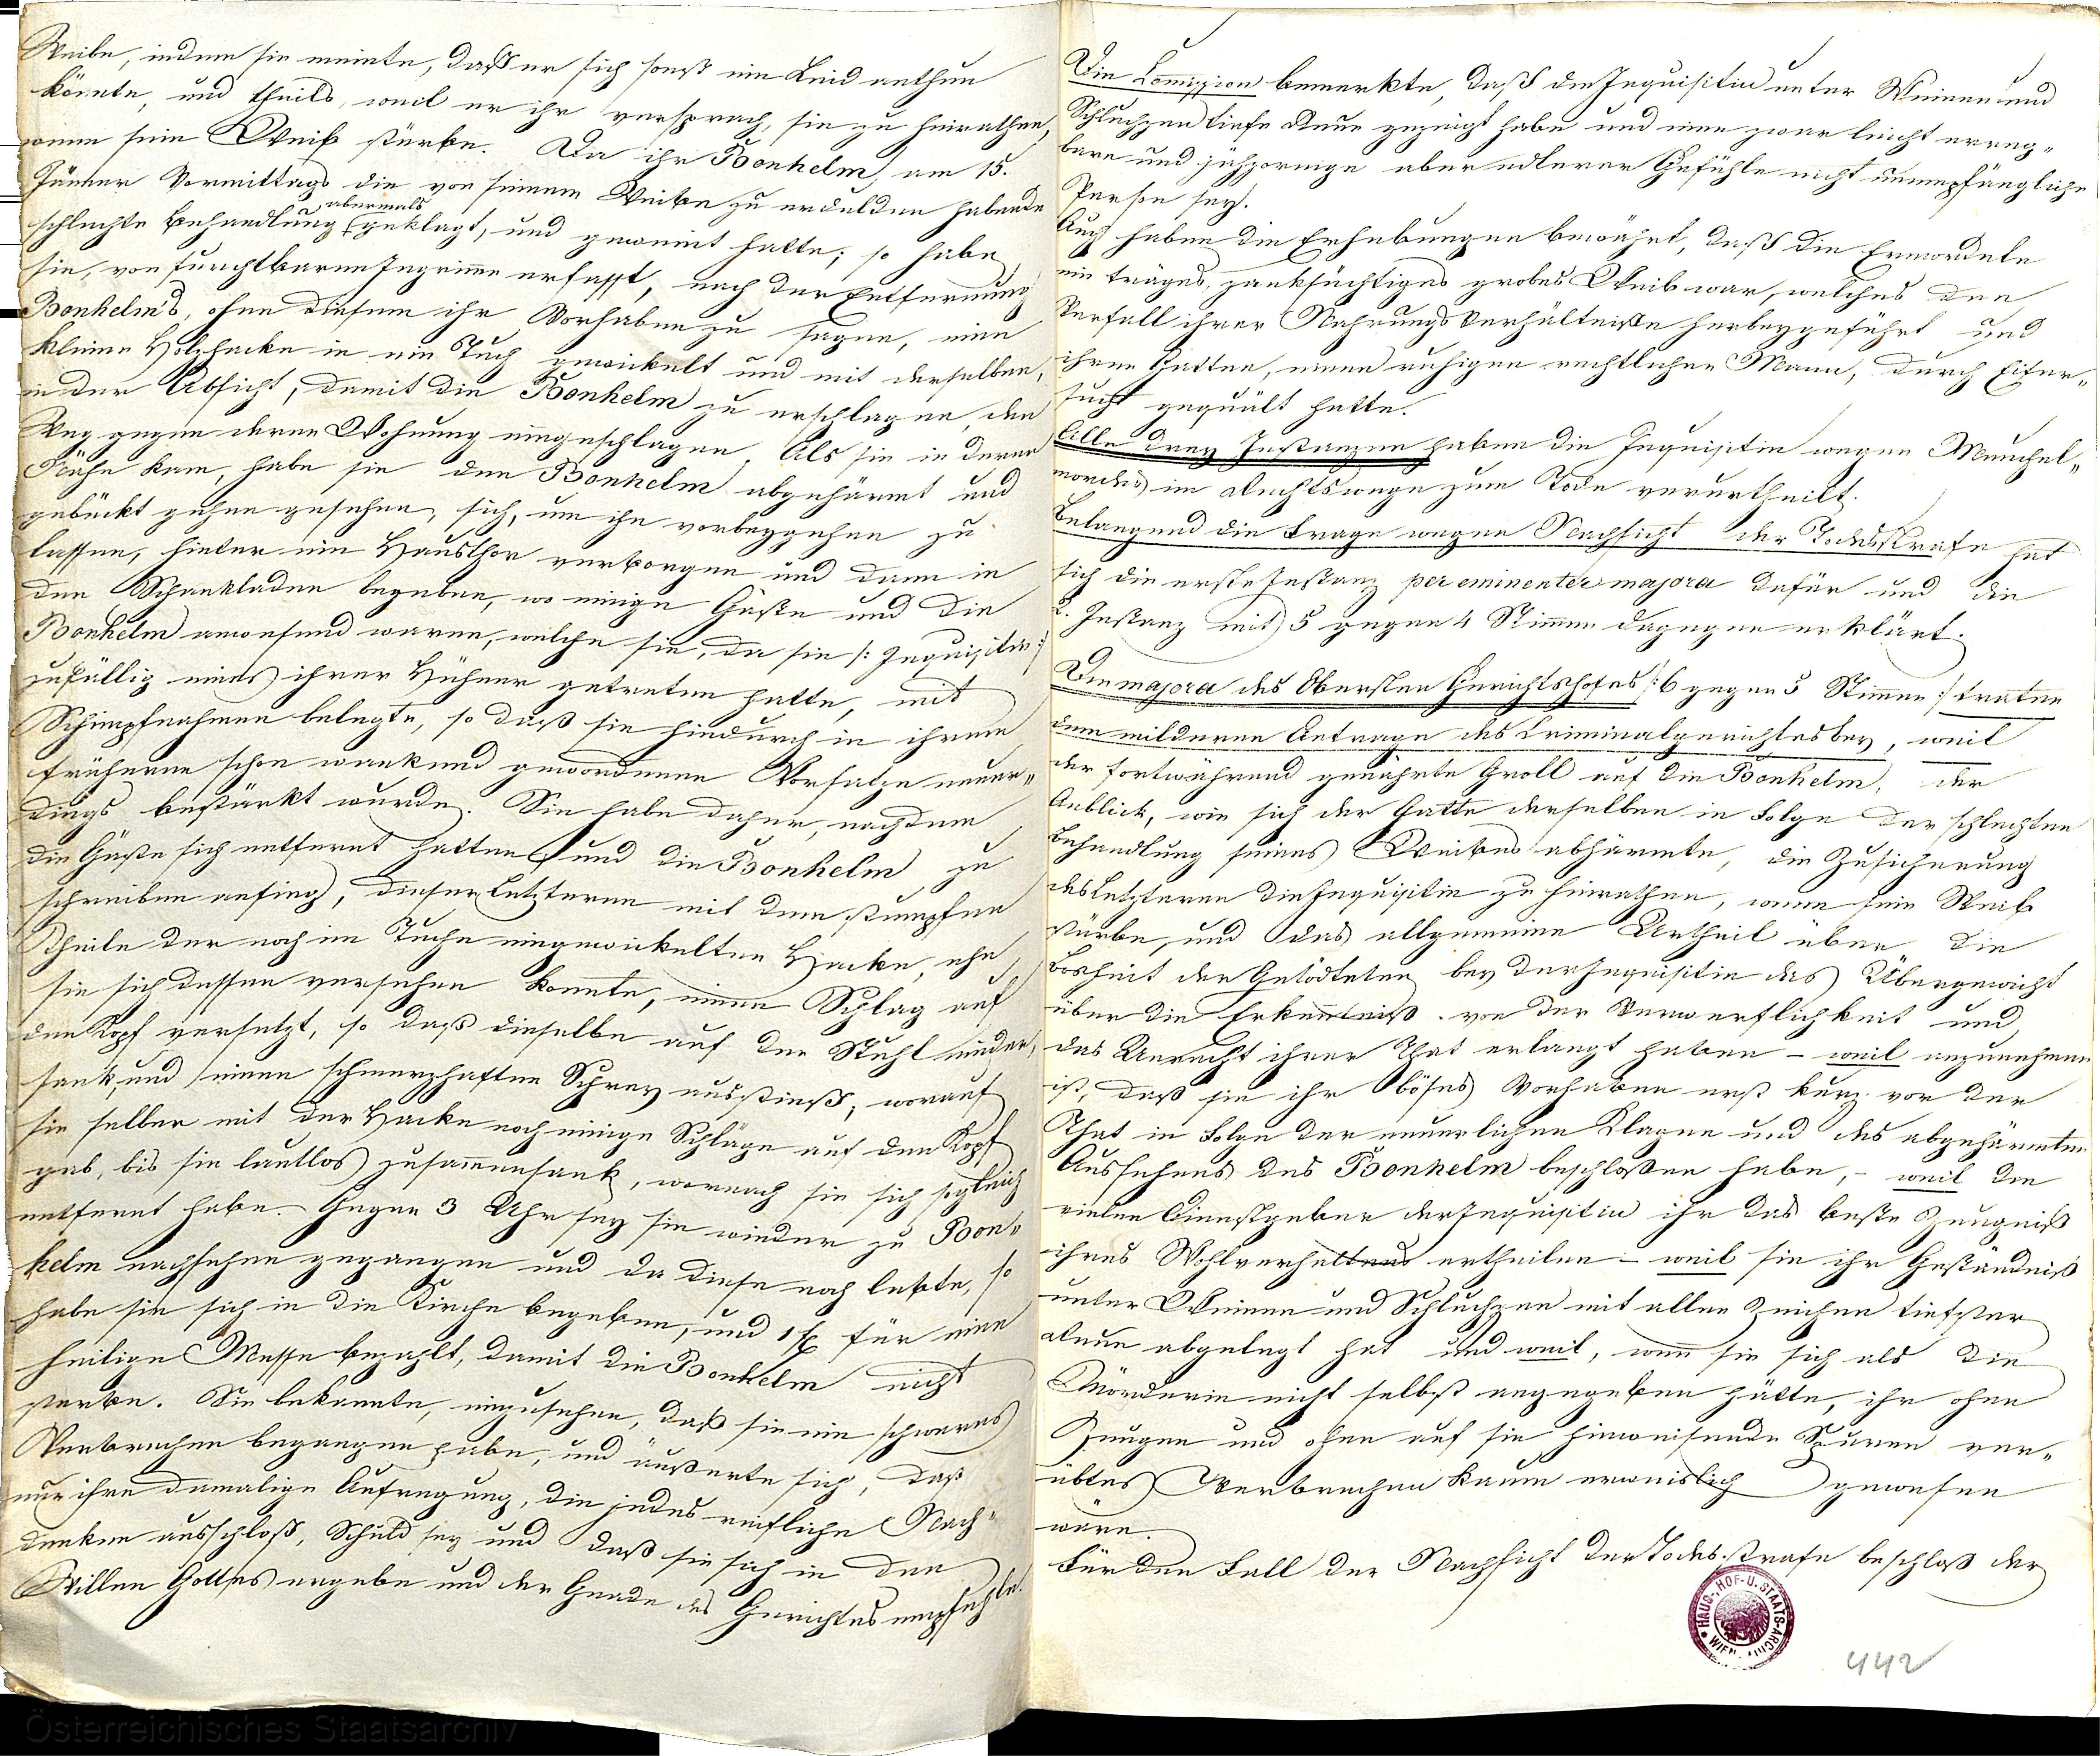Weibe, in dem sie meinte, daß er sich sonst ein Lind anthun
könnte, und theils, weil er ihre versprach, sie zu heirathen,
wenn sein Weib stürbe. Da ihr Bonhelm am 15.
Jänner Vormittags die von seinem Weibe zu erdulden habende
abermals
schlechte Behandlung geklagt, und geweint hatte; so habe
sie, von furchtbaren Jngrimme erfasst, nach der Entfernung
Bonhelm's, ohne diesem ihr Vorhaben zu sagen, eine
kleine Holzhacke in ein Tuch gewickelt und mit derselben,
in der Absicht, damit die Bonhelm zu erschlagen, den
Weg gegen deren Wohnung eingeschlagen. Als sie in deren
Nähe kam, habe sie dem Bonhelm abgehärmt und
gebückt gehen gesehen, sich, um ihn vorbeygehen zu
lassenn, hinter ein Hausthor verborgen und dann in
den Schankladen begeben, wo einige Gäste und die
Bonhelm amonsend waren, welche sie, da sie /: Jnquisitin :/
zufällig eines ihrer Hühner getreten hatte, mit
Schimpfnahmen belegte, so daß sie hindurch in ihrem
früheren schon wankend gewordenen Vorsitze neuer¬
dings bestärkt wurde. Sie habe daher, nach dem
die Gäste sich entfernt hatten, und die Bonhelm zu
schreiben anfing, dieser Letzteren mit dem stumpfen
Theile der noch im Tuche eingewickelten Hacke, ehe
sie sich dessen versehen konnte, einen Schlag auf
den Kopf versetzt, so daß dieselbe auf der Stuhl nieder,
sank, und einen schmerzhaften Schwer ausstieß; worauf
sie selber mit der Hacke noch einige Schläge auf dem Kopf
gab, bis sie lautlos zusammensank, wornach sie sich sogleich
entfernt habe. Gegen 3 Uhr sey sie wieder zu Bon¬
helm nachsehen gegangen und da diese noch lexx, so
habe sie sich in die Kirche begeben, und 1 xx für eine
heilige Messe bezahlt, damit die Bonhelm nicht
sterbe. Sie bekannte, einzusehen, daß sie ein schweres
Verbrechen begangen habe, und äußerte sich, daß
nur ihre damalige Auftragung, die jedes reifliche Nach¬
denken ausschloß, Schuld sey und daß sie sich in den
Willen Gottes ergebe und der Gnade des Gerichtes empfehle.
Die Commission bemerkte, daß die Jnquisitin unter Weinen und
Schluchzen tiefe Reue gezeigt habe und eine zwar leicht erreg¬
bare und jähzornige aber edlerer Gefühle nicht unempfängliche
Person sey.
Auch haben die Erhebungen bewährt, daß die Ermordete
ein träges, zanksüchtiges grobes Weib war, welches den
Verfall ihrer Nahrungsverhältniße herbeygeführt und
ihren Gatten, einen ruhigen rechtlichen Mann, durch Eifer¬
sucht gequält halte.
Alle drey Jnstanzen haben die Jnquisitin wegen Munchel¬
mordes im Rechtswege zum Tode verurtheilt.
Belangend die Frage wegen Nachsicht der Todesstrafe hat
sich die erste Jnstanz per eminenter majora dafür und die
2. Jnstanz mit 5 gegen 4 Stimmen dagegen er klärt.
Die majora des Obersten Gerichtshofes /: 6 gegen 5 Stimmen :/ traten
dem milderen Antrage des Criminalgerichtester, weil
der fortwährend genährte Groll auf die Bonhelm, der
Anblick, wie sich der Gatte derselben in Folge der schlechten
Behandlung seines Weibes abhärmte, die Zusicherung
des Letzteren die Jnquisitin zu hinrathen, wenn sein Weib
stürbe, und des allgemeine Urtheil über die
Bosheit der Getödteten bey der Jnquisitin das Übergewicht
über die Erkenntniß von der Verwerflichkeit und
das Unrecht ihrer That erlangt haben - weil anzunehmen
ist, daß sie ihre böses Vorhaben erst kurz vor der
That in Folge der neuerlichen Klagen und des abgehärmten
Aussehens des Bonhelm beschloßen habe,- weil die
vielen Dienstgeber der Jnquisitin ihr das beste Zeugniß
ihres Wohlverhaltens ertheilen - weil sie ihr Geständniß
unter Weinen und Schluchzen mit allen Zeichen tiefster
Reue abgelegt hat und weil, wenn sie sich als die
Mörderin nicht selbst angegeben hätte, ihr ohne
Zeugen und ohne auf sie himonisende Spuren ver¬
übtes Verbrechen kaum erweislich gewesen
wäre.
Für den Fall der Nachsicht der Todesstrafe beschloß der
442